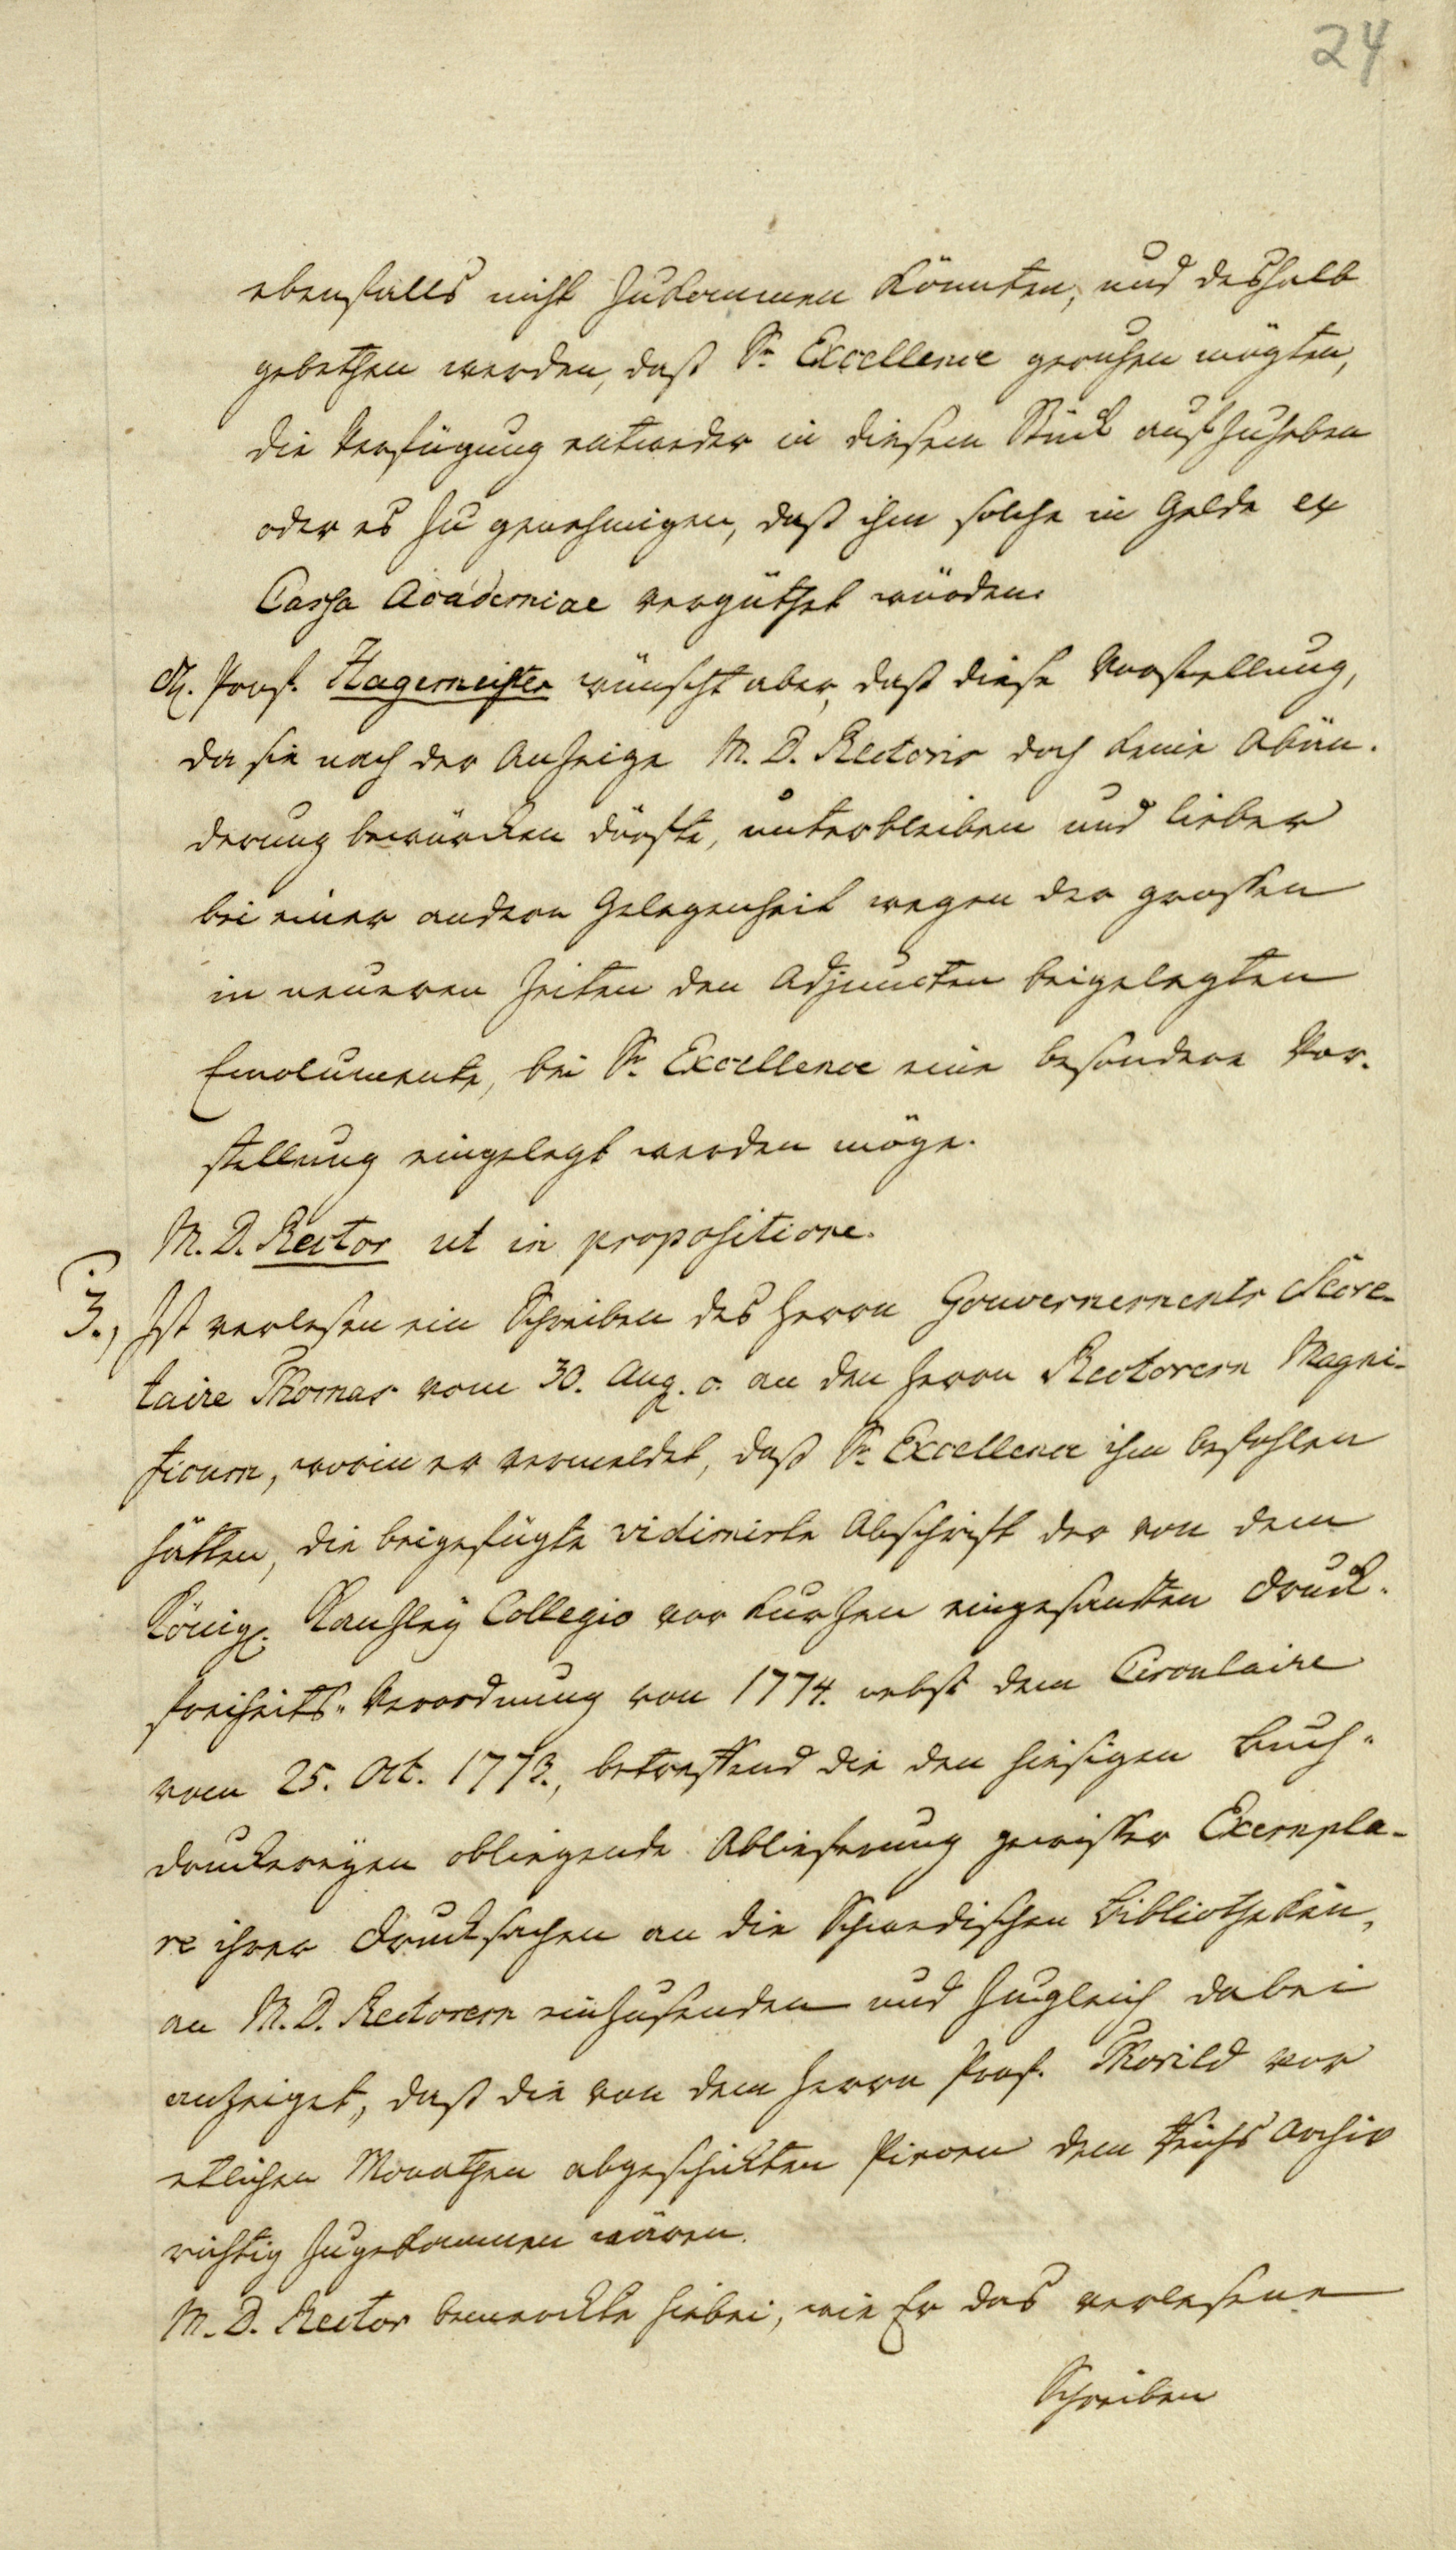ebenfalls nicht zukommen könnten, und deshalb
gebethen werden, daß Sr. Excellence geruhen mögten,
die Verfügung entweder in diesem Stück aufzuheben
oder es zu genehmigen, daß ihm solche in Gelde ex
Cassa Academiae vergüthet würden.
dh. Prof. Hagemeister wünscht aber, daß diese Vorstellung,
da sie nach der Anzeige M. D. Rectoris doch keine Abän¬
derung bewürcken dürfte, unterbleiben und lieber
bei einer andern Gelegenheit wegen der großen
in neueren Zeiten den Adjuncten beigelegten
Emolumente, bei Sr. Excellence eine besondere Vor¬
stellung eingelegt werden möge.
M. D. Rector ut in propositione.
Ist verlesen ein Schreiben des herrn Gouvernements Secre¬
taire Thomas vom 30. Aug. c. an den herrn Rectorem Magni¬
ficum, worin er vermeldet, daß Sr. Excellence ihm befohlen
hätten, die geigefügte vidimirte Abschrift der von dem
Königl. Kanzleÿ Collegio vor kurzen eingesandten Druck¬
freiheits Verordnung von 1774. nebst dem Circulaire
vom 25. Oct. 1773. betreffend die den hiesigen Buch¬
druckereÿen obliegende Ablieferung gewisser Exempla¬
re ihrer Drucksachen an die Schwedischen Bibliotheken,
an M. D. Rectorem einzusenden und zugleich dabei
angezeiget, daß die von dem herrn Prof. Thorild vor
etlichen Monathen abgeschickten Piecen dem Reichs Archiv
richtig zu gekommen wären.
M. D. Rector bemerckte hiebei, wie Er das verlesene
Schreiben